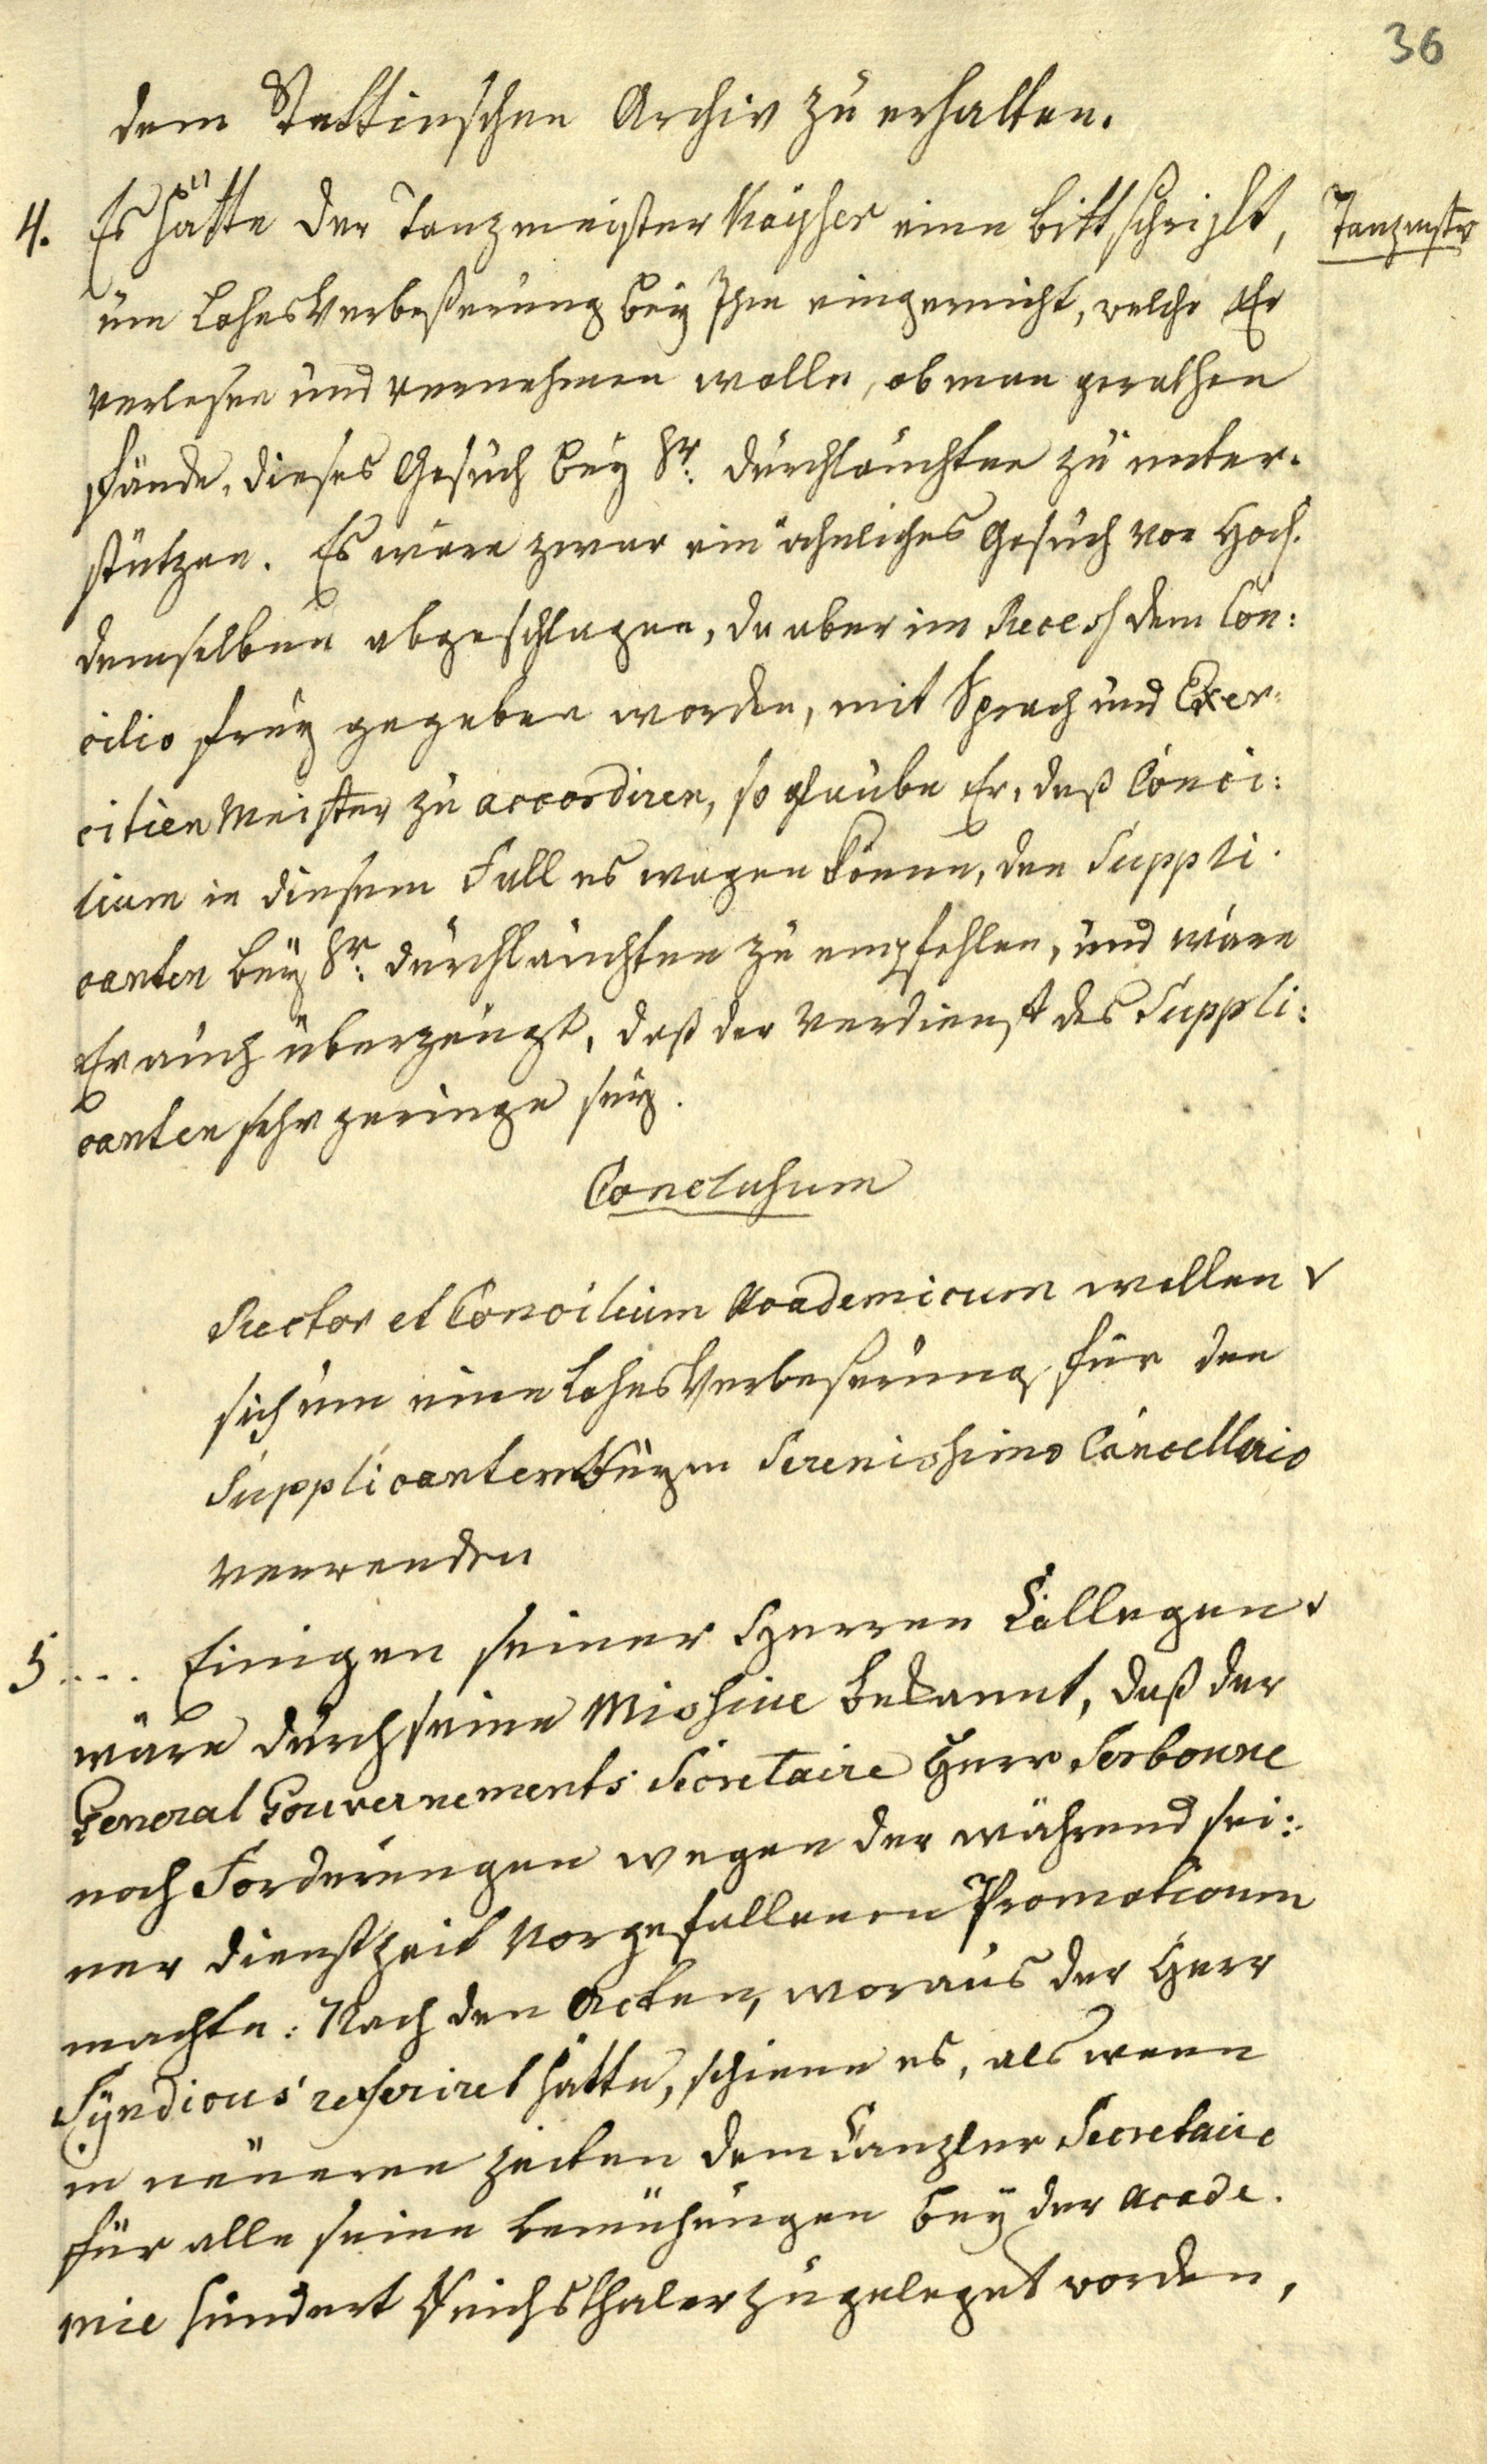dem Stettinschen Archiv zu erhalten.
4. Es hätte der Tanzmeister Kaÿser eine Bittschrift,
um Lohnsverbeßerung beÿ Ihm eingereicht, welche Er
verlesen und vernehmen wolle, ob man gerathen
fände, dieses Gesuch beÿ Sr Durchlauchten zu unter¬
stützen. Es wäre zwar ein ähnliches Gesuch von Hoch¬
demselben abgeschlagen, da aber im Recess dem Con¬
cilio freÿ gegeben worden, mit Sprach und Exer¬
citien Meister zu accordiren, so glaube Er, daß Conci¬
lium in diesem Fall es wagen könne, den Suppli¬
canten beÿ Sr. Durchlauchten zu empfehlen, und wäre
Er auch überzeugt, daß der Verdienst des Suppli¬
canten sehr geringe seÿ.
Conclusum
Rector et Concilium Academicum wollen
sich um eine LohnsVerbeßerung für den
Supplicanten beÿm Serenissimo Cancellario
verwenden.
5. Einigen seiner Herren Collegen
wäre durch seine Missive bekannt, daß der
General Gouvernements Secretaire Herrn Sorbonne
noch Forderungen wegen der während sei¬
ner dienstzeit vorgefallenen Promotionen
machte. Nach den Acten, woraus der Herr
Sÿndicus referiret hätte, schiene es, als wenn
in neueren Zeiten dem Kanzler Secretaire
für alle seine Bemühungen beÿ der Acade¬
mie hundert Reichsthaler zugelegt worden,